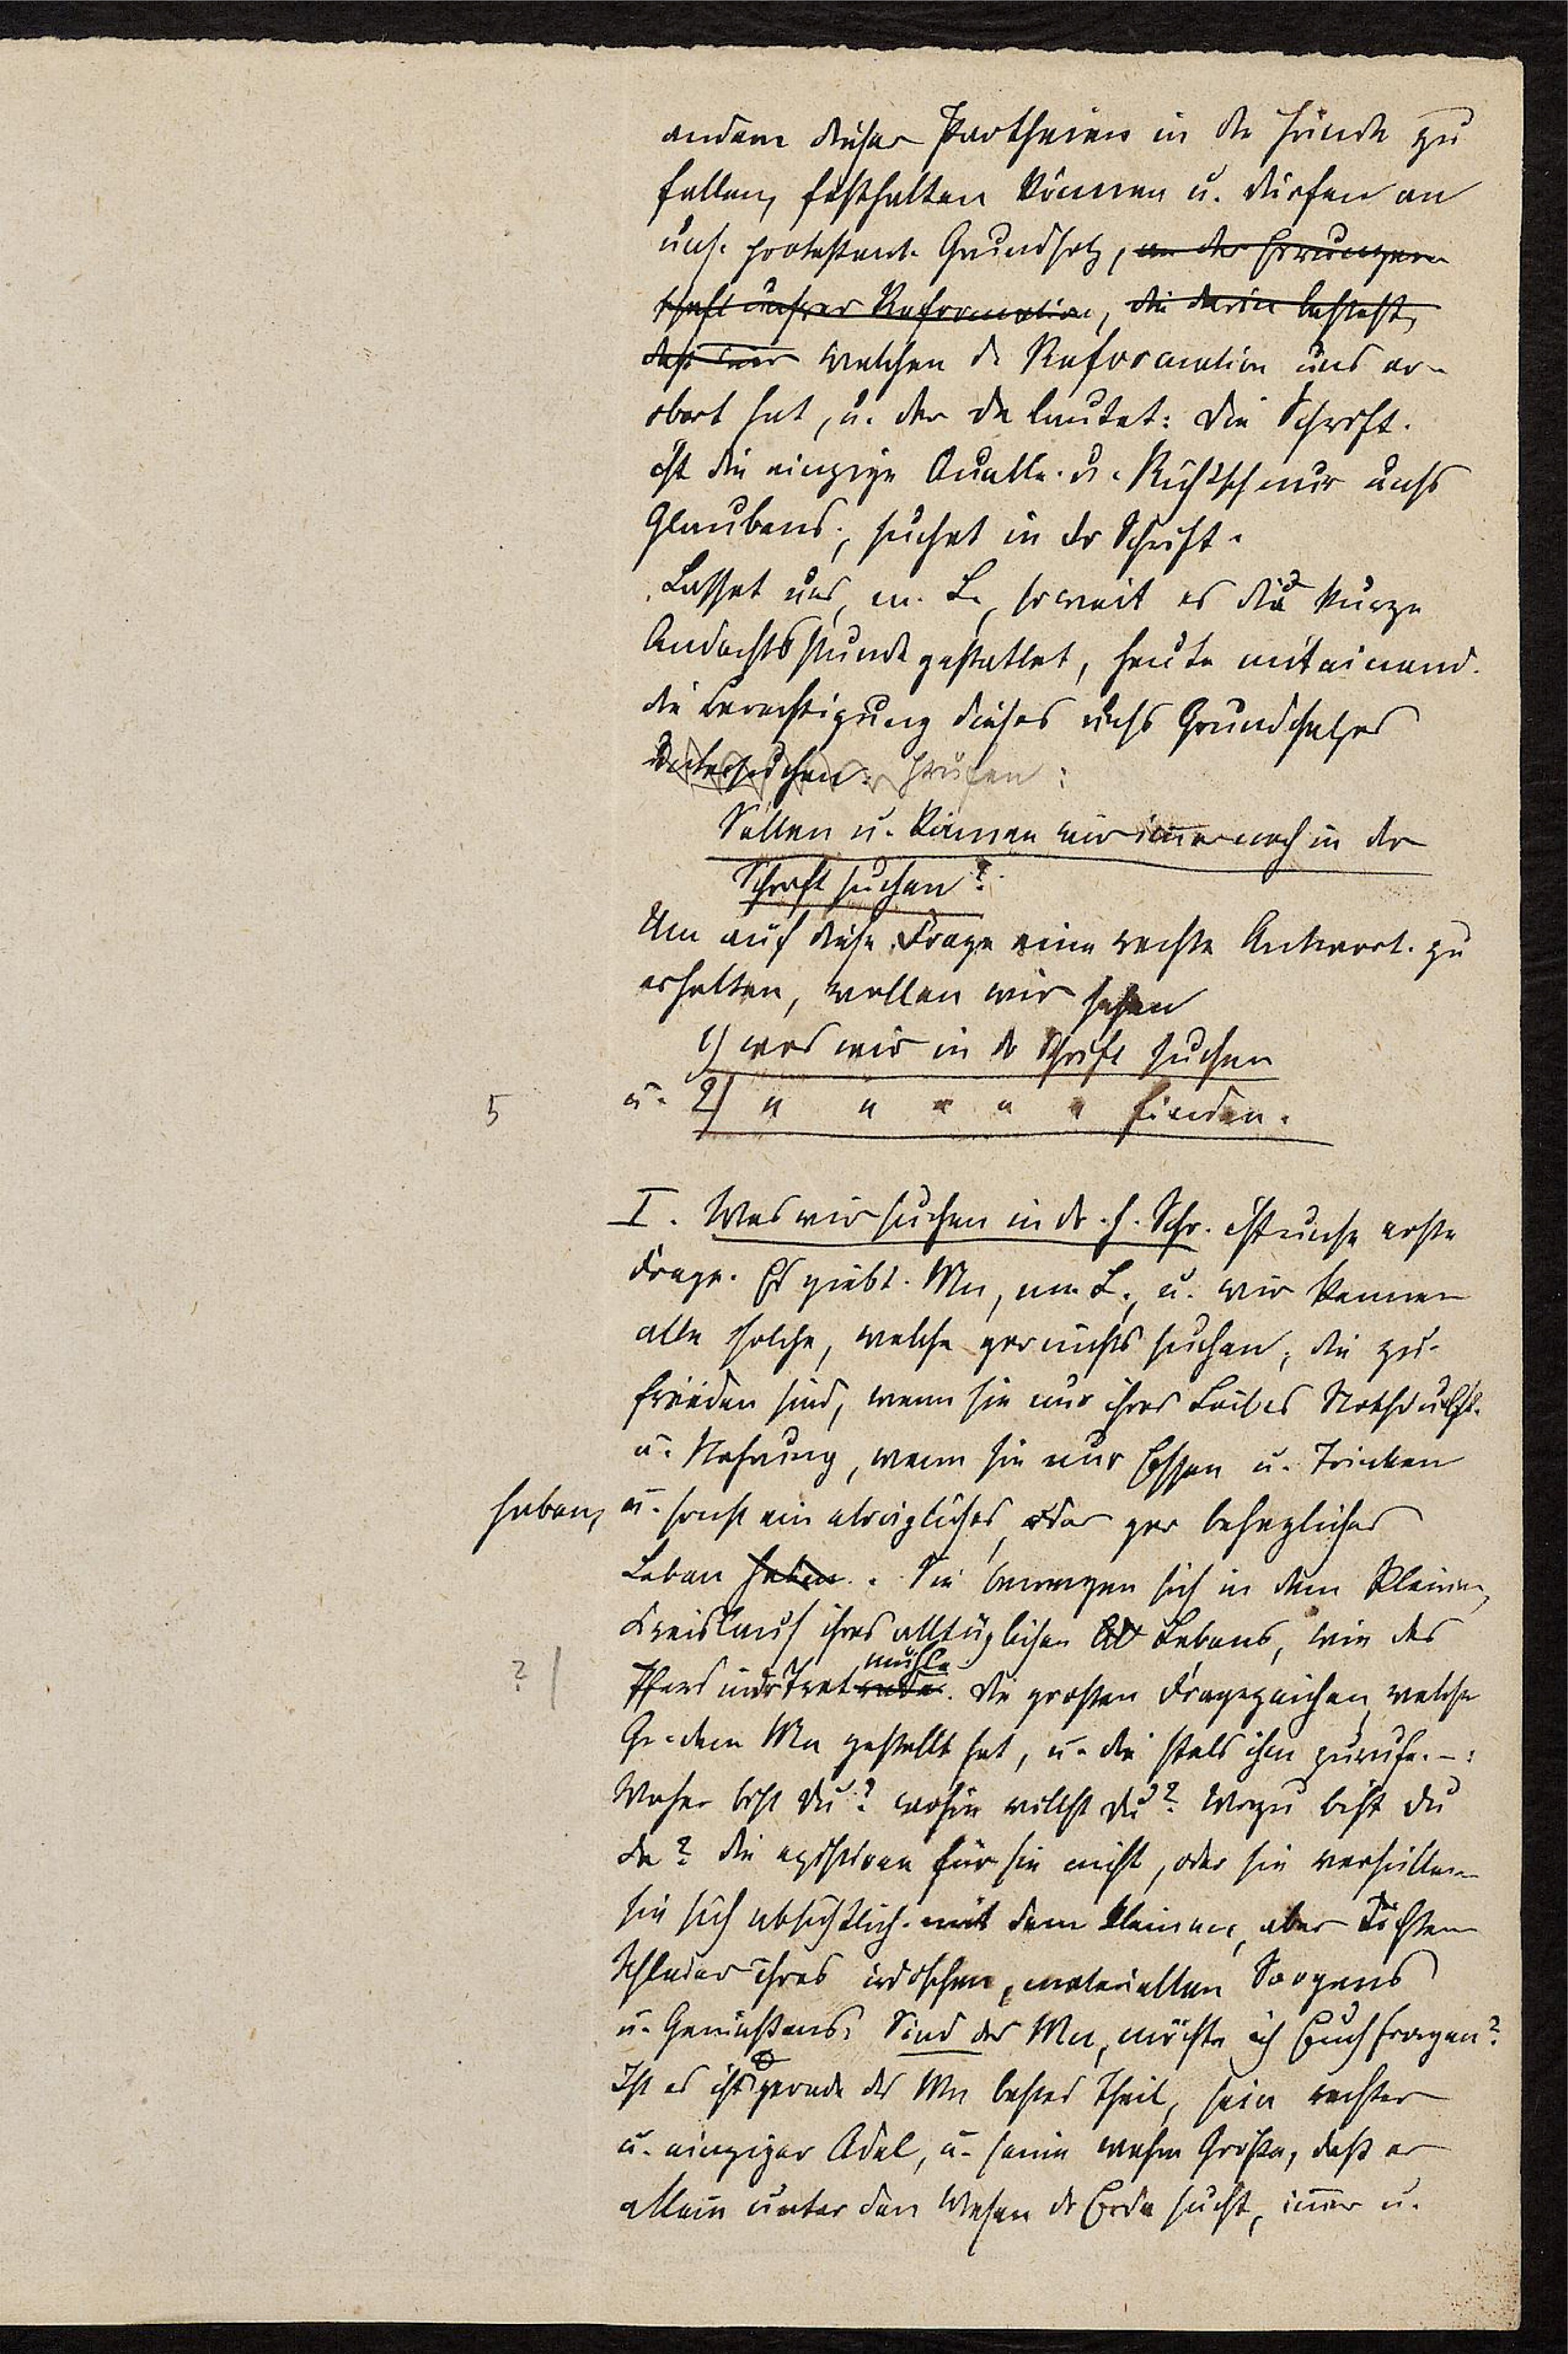5
haben,
andern dieser Partheien in die Häinde zu
fallen, festhalten können u. diesen an
uns. protestant. Grundsalz, an der Errungen¬
schaft unsrer Reformation, die darin besteht,
daß wir welchen d. Reformation uns er¬
obert hat, u. der da lautet: Die Schrift.
ist die einzige Quelle. u. Richtschnur unss
Glaubens; suchet in der Schrift.
Lasset uns, m. L., soweit es die kurze
Andachtsstunde gestattet, heute miteinand.
die Berechtigung dieses unss Grundsatzes
untersuchen: prüfen:
Sollen u. können wir imernoch in der
Schrift suchen?
Um auf diese Frage eine rechte Antwort. zu
erhalten, wollen wird sehen
1) was wir in da Schrift suchen
u. 2) " " " " " finden.
I. Was wir suchen in dr. H. Schr. ist unsr erste
Frage. Es giebt. Mn, mn. L., . u. wir kennen
alle solche, welche garnichts suchen, die zu¬
frieden sind, wenn sie nur ihres Leibes Nothdurft
u. Nahrung, wenn sie nur Essen u. Trinken
u. sonst ein erträgliches, oder gar behagliches
Leben haben. Sie bewegen sich in dem kleinen
Kreislauf ihres alltäglichen All Lebens, wie des
mühle
Pferd in der Tretrade. Die großen Fragezeichen, welche
Go. dem Mn gestellt hat, u. die stets ihm zurufen:
Woher bist du? wohin willst du? Wozu bist du
da? Die existiren für sie nicht, oder sie verfüllen
sie sich absichtlich mit dem kleinen, aber düstern
Schleier ihres irdischen, materiellen Sorgens
u. Genießens. Sind ds Mn, möchte ich Euch fragen?
Ist es ist gerade des Mn bestes Theil, sein rechter
u. einziger Adel, u seine wahm Größte, daß er
allein unter den Wesen dr Erde sucht, imer u